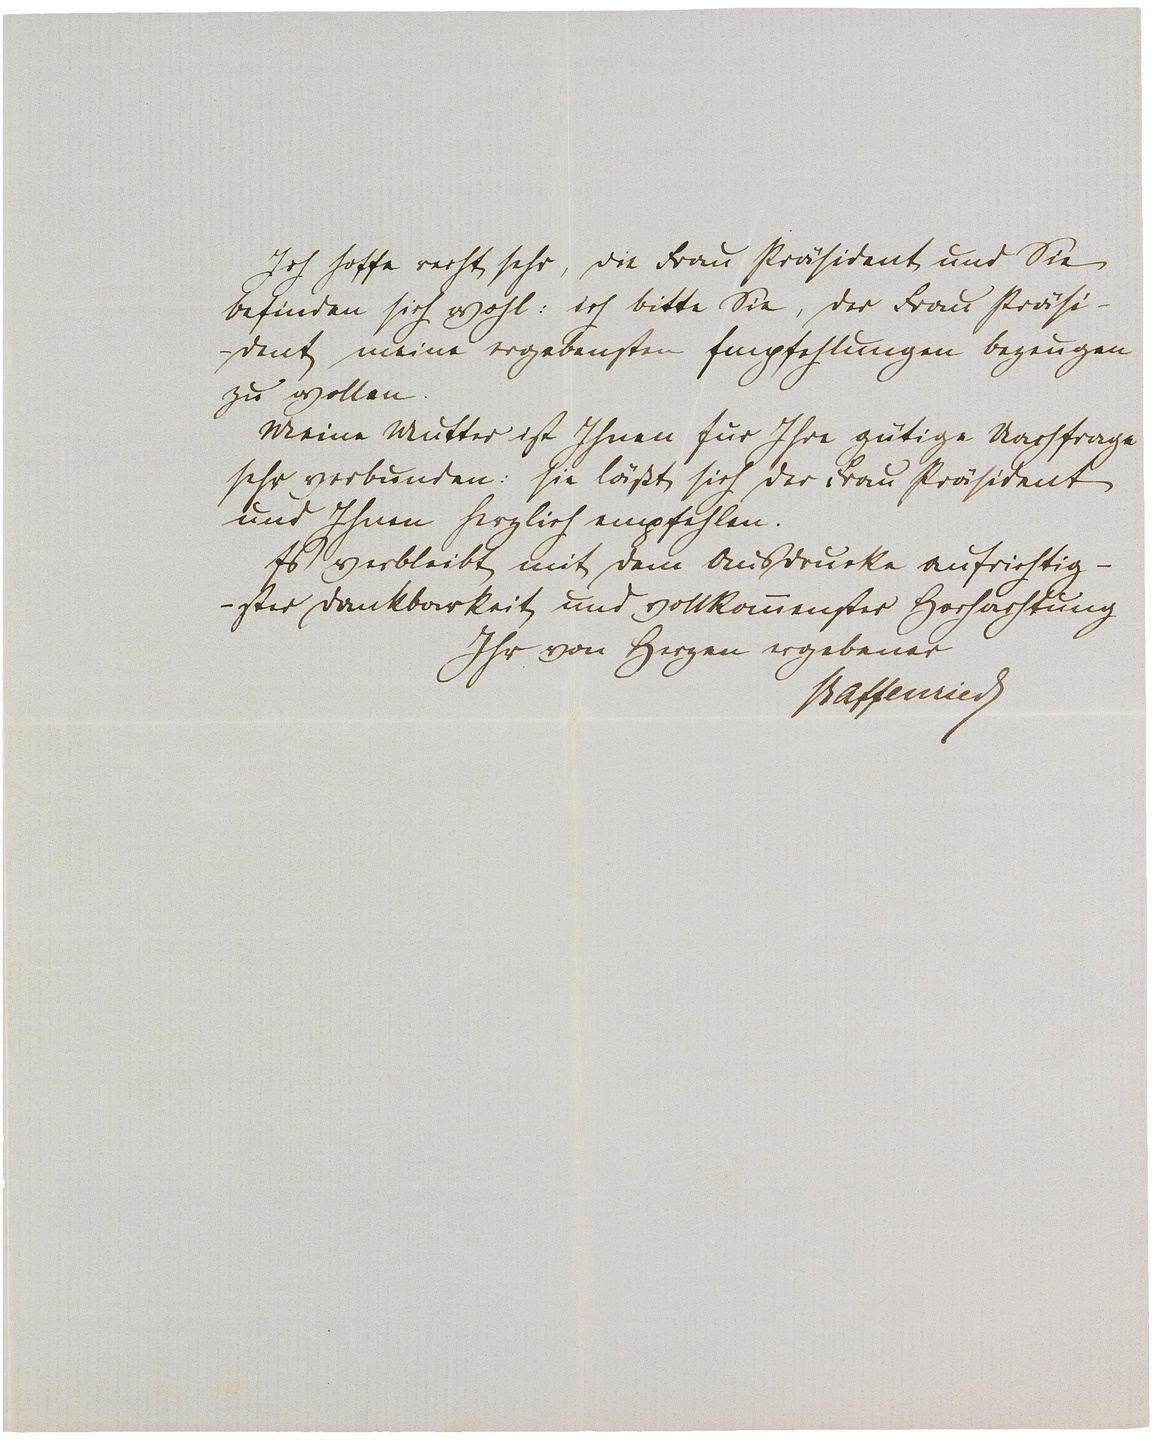Ich hoffe recht sehr, die Frau Präsident und Sie
befinden sich wohl: ich bitte Sie, der Frau Präsi-
dent meine ergebensten Empfehlungen bezeugen
zu wollen.
Meine Mutter ist Ihnen für Ihre gütige Nachfrage
sehr verbunden: sie läßt sich der Frau Präsident
und Ihnen herzlich empfehlen.
Es verbleibt mit dem Ausdrucke aufrichtig-
ster Dankbarkeit und vollkommenster Hochachtung
Ihr von Herzen ergebener
Graffenried